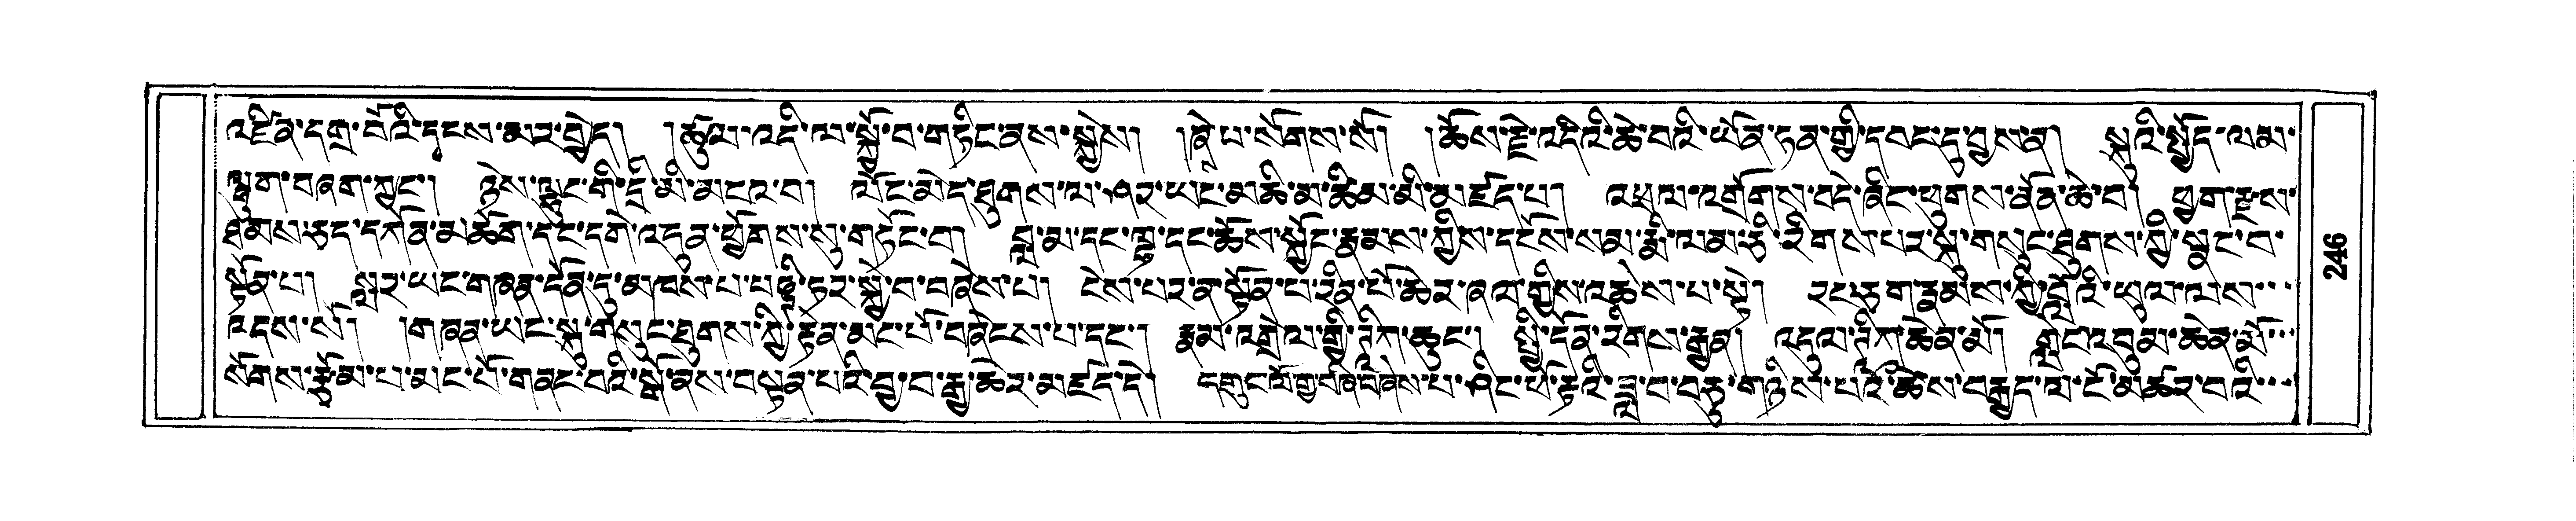འཛིན་དགྲ་བོའི་དྭངས་མར་བྱེད། །ཚུལ་འདི་ལ་སྐྱོ་བ་གཏིང་ནས་སྐྱེས། །ཞེས་པ་སོགས་སོ། །ཆོས་རྗེ་འདིའི་ཆེ་བའི་ཡོན་ཏན་གྱི་དབང་དུ་བྱས་ན། སྐུའི་སྤྱོད་ལམ་
ལྷུག་བཞགས་ཀྱང་། ཉེས་ལྟུང་གི་དྲི་མི་མངའ་བ། ལོང་མེད་ཐུགས་ལ་ཤར་ཡང་མཆི་མ་ཚིམ་མི་མཛད་པ། འཕྲལ་འགྲོགས་བདེ་ཞིང་ཕུགས་ནོན་ཆེ་བ། ཕྱག་རྫས་
ཐམས་ཅད་དཀོན་མཆོག་དང་དགེ་འདུན་ཕྱོགས་སུ་གཏོང་བ། བླ་མ་དང་ལྷ་དང་ཆོས་སྐྱོང་རྣམས་ཀྱིས་དངོས་སམ་རྨི་ལམ་ཅི་རིགས་པར་སྐུ་གསུང་ཐུགས་ཀྱི་སྣང་བ་
སྟོན་པ། སླར་ཡང་གཞན་དོན་དུ་མཁས་པ་པཌྚི་ཏར་སྐྱེ་བ་བཞེས་པ། ངེས་པར་ན་སྟོན་པ་རིན་པོ་ཆེར་ཞལ་གྱིས་འཆེས་པ་སྟེ། རང་ཅག་རྣམས་ཀྱི་བློའི་ཡུལ་ལས་
འདས་སོ། །གཞན་ཡང་སྐུ་གསུང་ཐུགས་ཀྱི་རྟེན་མང་པོ་བཞེངས་པ་དང་། རྣམ་འགྲེལ་གྱི་ཊཱིཀ་ཆུང་། སྤྱི་དོན་རིགས་རྒྱན། འདུལ་ཊཱིཀ་ཆེན་མོ། །གླིཨེང་འབུམ་ཆེན་མོ་
སོགས་རྩོམ་པ་མང་པོ་གནང་བའི་སྒོ་ནས་བསྟན་པའི་བྱ་བ་རྒྱ་ཆེར་མཛད་དེ། དགུང་ལོ་གྱ་བཞི་བཞེས་པ་ཤིང་ཕོ་རྟའི་ཟླ་བ་བཅུ་གཉིས་པའི་ཚེས་བརྒྱད་ལ་ངོ་མཚར་བའི་